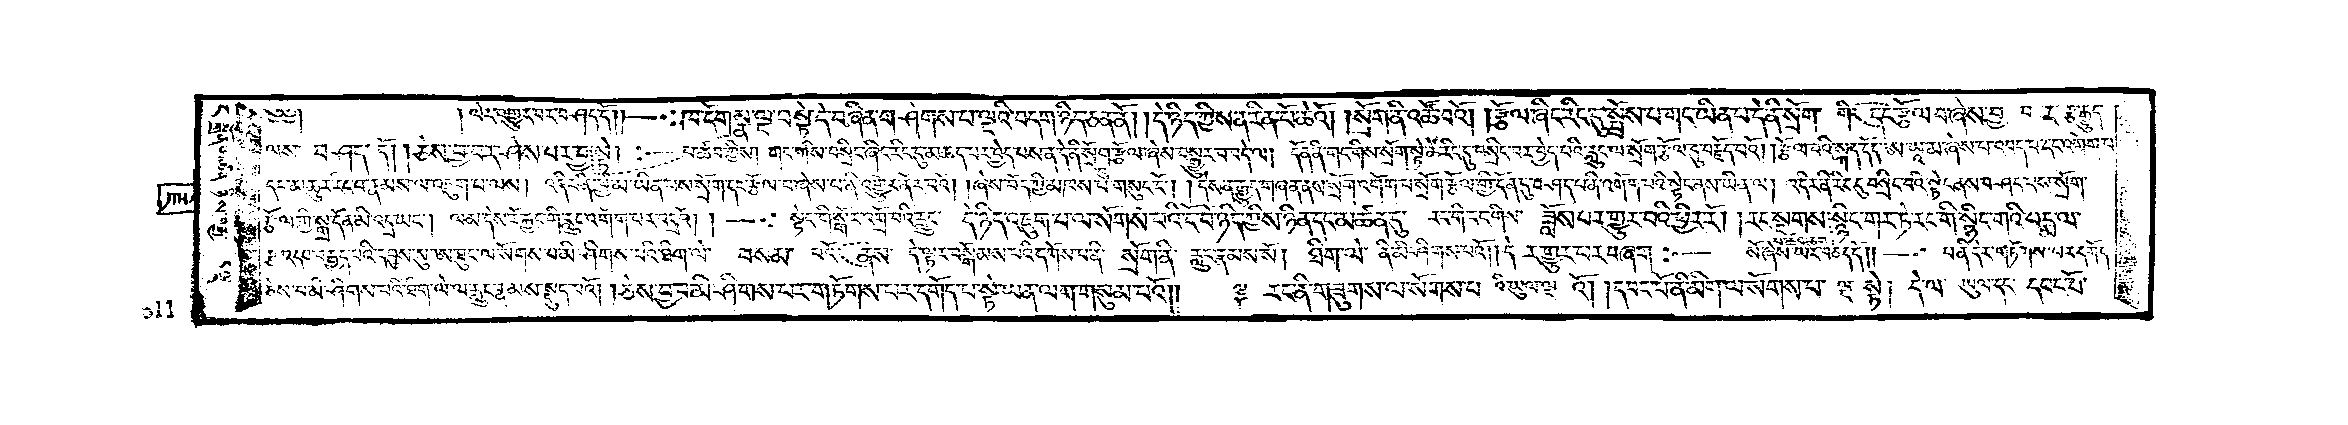༄༅། །ལེར་འགྱུར་བར་བཤད་དོ།། .H ཁ་དོག་སྣ་ལྔ་པ་སྟེ་དེ་བཞིན་གཤེགས་པ་ལྔའི་བདག་ཉིད་ཅན་ནོ། །དེ་ཉིད་ཀྱིས་ན་རིན་པོ་ཆེའོ། །སྲོག་ནི་འཚོ་བའོ། །རྩོལ་ཞིང་རིང་དུ་སྤྲོས་པ་གང་ཡིན་པ་དེ་ནི་སྲོག་གི་དང་རྩོལ་བ་ཞེས་བྱ་བར་རྩ་རྒྱུད་
ལས་བཤད་དོ། །ཅེས་བྱ་བར་ཤེས་པར་བྱ་སྟེ། H.་པ་ཚབ་ཀྱིས། གང་གིས་བསྲིང་ཞིང་རིང་དུ་མཆེད་པར་བྱེད་པས་ན་དེ་ནི་སྲོག་རྩོལ་ཞེས་བསྒྱུར་བ་བདེ་ལ། དོན་ནི་གང་གིས་སྲོག་སྟེ་ཚེ་རིང་དུ་བསྲིང་བར་བྱེད་པའི་རླུང་ལ་སྲོག་རྩོལ་དུ་བརྗོད་པའོ། །རྩོལ་བའི་སྐད་དོད་ཨ་ཡཱ་མ་ཞེས་པ་འབད་པ་དང་འགོག་པ་
དང་མཚུར་རིང་བ་རྣམས་ལ་འཇུག་པ་ལས། འདིར་ནི་ཕྱི་མ་ཡིན་པས་སྲོག་དང་རྩོལ་བ་ཞེས་པ་ནི་འགྱུར་ནོར་བའོ། །ཞེས་བོད་ཀྱི་མཁས་པ་བུ་གསུང་ངོ། །དེས་ན་རྒྱུད་གཞན་ནས་སྲོག་འགོག་པ་སྲོག་རྩོལ་གྱི་དོན་དུ་བཤད་པ་ནི་འགོག་པའི་སྟེང་ནས་ཡིན་ལ། འདིར་ནི་རིང་དུ་བསྲིང་བའི་སྟེང་ནས་བཤད་པས་སྲོག་
རྩོལ་གྱི་སྒ་དོན་མི་འདྲ་ཡང་། ལམ་དེས་རོ་རྐྱང་གི་རླུང་འགོག་པར་འདྲའོ། །.H སྟེང་གི་སྒོར་འགྲོ་བའི་རླུང་དེ་ཉིད་འཇུག་པ་ལ་སོགས་པའི་ངོ་བོ་ཉིད་ཀྱིས་ཉིན་དང་མཚན་དུ་རང་གི་ངང་གིས་ཟློས་པར་གྱུར་པའི་ཕྱིར་རོ། །རང་སྔགས་སྙིང་གར་ཏེ་རང་གི་སྙིང་གའི་པདམ་ལ་
རྩ་འདབ་བརྒྱད་པའི་དབུས་སུ་ཨ་ཐུང་ལ་སོགས་པ་མི་ཤིགས་པའི་ཐིག་ལེ་བསམ་པའོ་ནས་དེ་ལྟར་བསྒོམས་པའི་དགོས་པ་ནི་སྲོག་ནི་རླུང་རྣམས་སོ། ཐིག་ལེ་ནི་མི་ཤིགས་པའོ། །  དེར་གྱུར་པར་བཞག་H.་སོ་ཞེས་པ་ཚབ་ཆག་ཡར་བཅད་དོ།། .H པ་ནི་དེར་གཏོགས་པར་དགོད་
ཅེས་པ་མི་ཤིགས་པའི་ཐིག་ལེ་ལ་རླུང་རྣམས་སྡུད་པའོ། ། ཅེས་བྱ་བ་མི་ཤིགས་པར་གཏོགས་པར་དགོད་པ་སྟེ་ཡན་ལག་གསུམ་པའོ།། ༈ རང་ནི་གཟུགས་ལ་སོགས་པའི་ཡུལ་ལྔའོ། །  དབང་པོ་ནི་མིག་ལ་སོགས་པ་ལྔ་སྟེ། དེ་ལ་ཡུལ་དང་དབང་པོ་